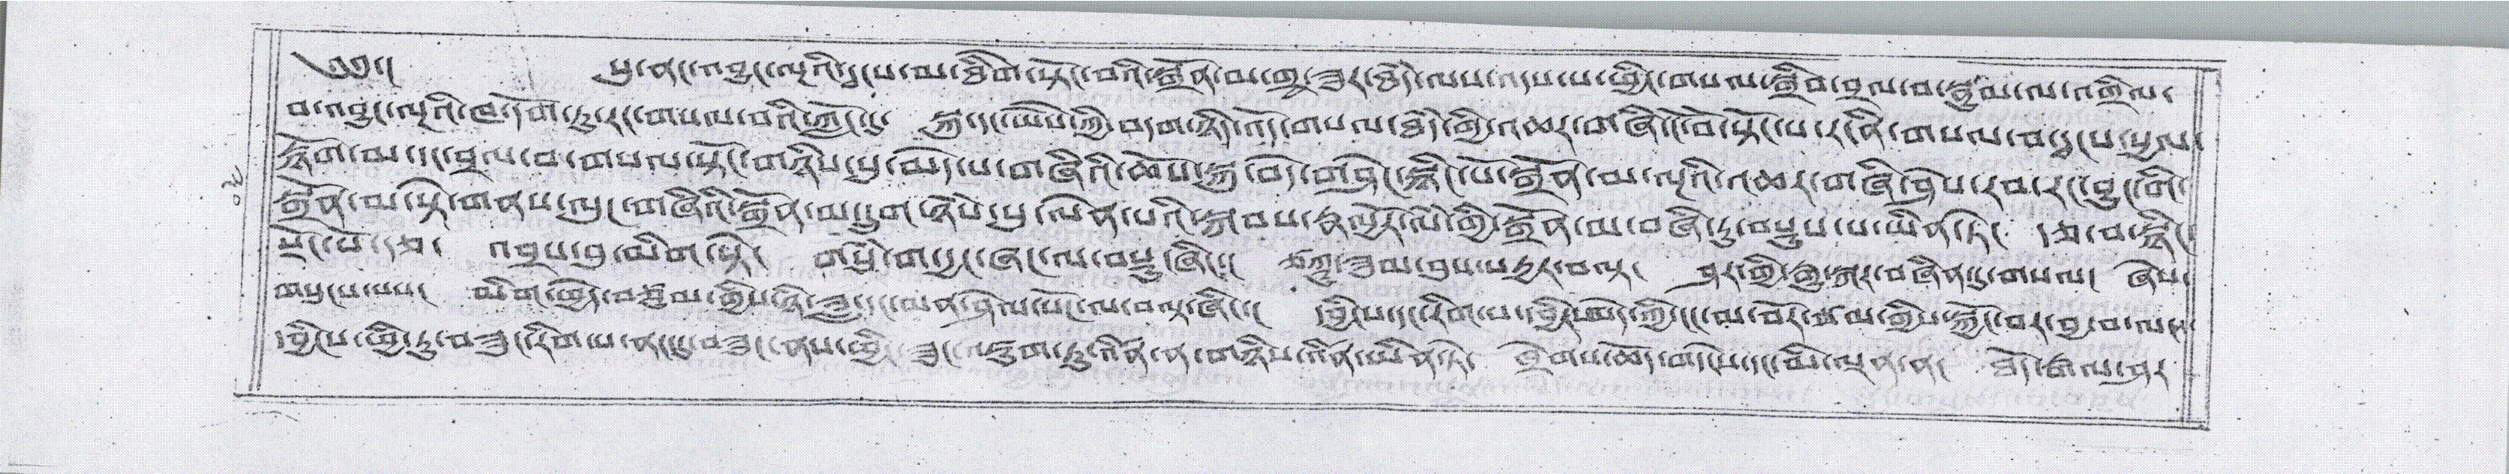སུ་ནང་འབྱུང་ལྔའི་དྭངས་མ་ཐིག་ལེ་སྟོང་པའི་སྒྲོན་མ་གྲྭ་ཟུར་ཐམས་ཅད་ལས་འདས་པ་ཕྱི་ནང་གསལ་སྒྲིབ་བྲལ་སྣུམ་ལ་འགྲིལ་
བ་འབྱུང་ལྔའི་ཁ་དོག་ཏུ་རང་གསལ་བའི་ཀློང་དུ། སྐུ་དང་ཡེ་ཤེས་ཀྱི་བདག་ཉིད་འོིད་གསལ་ཐམས་ཅད་ཀྱི་འཆར་གཞི་ངོ་བོ་སྟོང་པ་རང་བཞིན་གསལ་བ་དྭངས་གསལ་
རྙོག་མ་དང་བྲལ་བ་གསལ་སྟོང་གཉིས་སུ་མེད་པ་གཞིའི་ཆོས་སྐུ་བདེར་གཤེགས་སྙིང་པོ་སྒྲོན་མ་ལྔ་ཡི་འཆར་གཞི་ཤེས་རབ་རང་བྱུང་གི་
སྒྲོན་མ་སྟེ་གནས་ལུགས་གཞིའི་སྒྲོན་མ་དྲུག་ཉམས་སུ་ལེན་པའི་སྐབས་རྣལ་འབྱོར་ལམ་གྱི་སྒྲོན་མ་བཞི་རུ་བསྡུས་པ་ཡིན་ཏེ། རྩ་བ་སྙིང་། 
སྡོང་པོ་རྩ། འབྲས་བུ་མིག་སྟེ་གསུམ་ག་རྒྱང་ཞགས་ལ་བསྡུ་ཞིང་། ཙཀཱུ་ཟུམ་བུས་པཏྱར་བལྟ། ཤར་གྱི་རྒྱུ་སྐར་བཞིན་དུ་གསལ། ཞེས་
གསུངས་པས་མིག་ཕྱད་བཙུམ་གྱིས་ཉི་ཟླ་དང་མན་ཤེལ་སོགས་ལ་བལྟ་ཞིང་། དབྱིངས་དང་རིག་པ་དབྱེར་མེད་ཀྱི་ངང་ལ་བོར་ཙམ་གྱིས་སྐྱོང་བར་བྱ་བ་ལ། 
དབྱིངས་ཕྱི་རུ་བཟུང་རིག་པ་ནང་དུ་བཟུང་ནས་ཕྱིར་ཟུང་འཇུག་ཏུ་འཛིན་ན་གཉིས་འཛིན་ཡིན་ཏེ། ཁྲེག་ཆོད་གདེང་དང་མི་ལྡན་ན། ཐོད་རྒལ་ཤར་